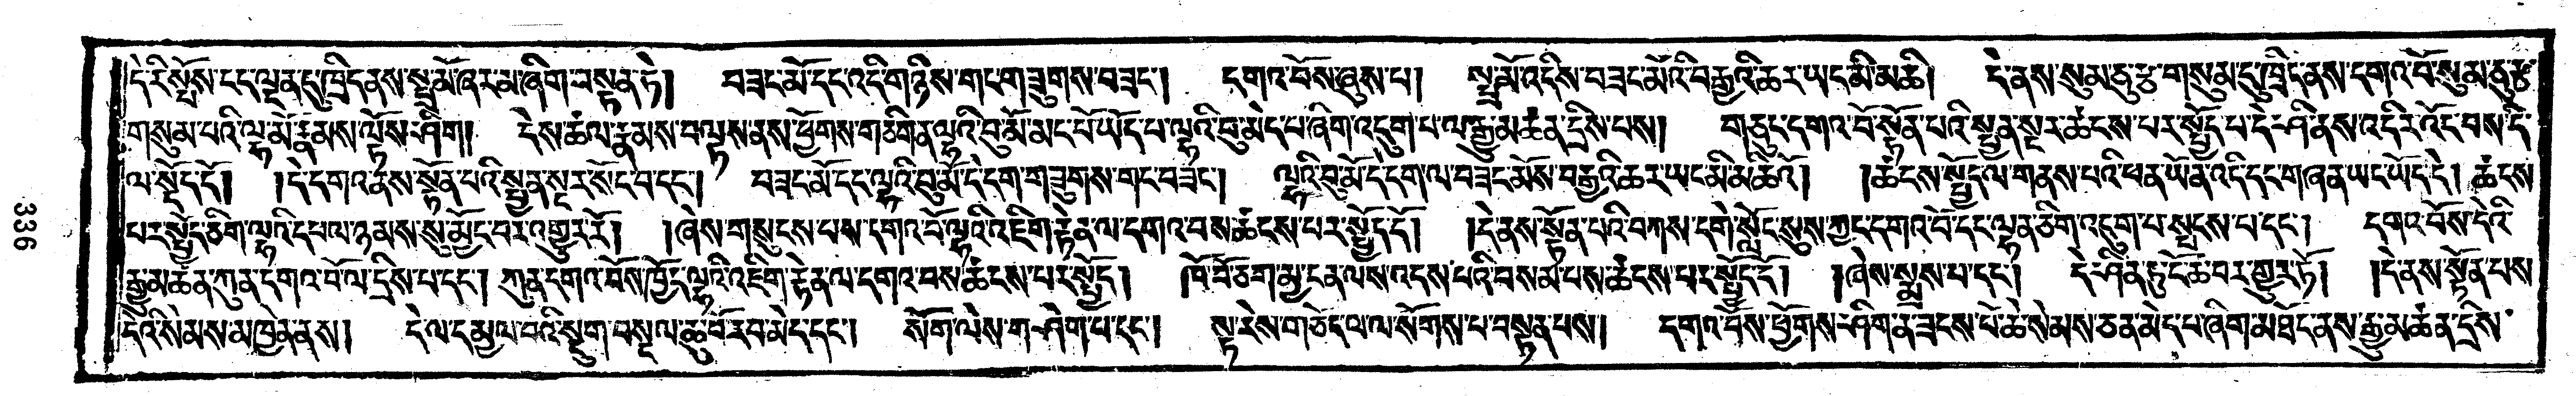དེ་རི་སྤོས་ངད་ལྡན་དུ་ཁྲིད་ནས་སྤྲ་མོ་ཞར་མ་ཞིག་བསྟན་ཏེ། བཟང་མོ་དང་འདི་གཉིས་གང་གཟུགས་བཟང་། དགའ་བོས་ཞུས་པ། སྤྲ་མོ་འདིས་བཟང་མོའི་བརྒྱའི་ཆར་ཡང་མི་མཆི། དེ་ནས་སུམ་ཅུ་རྩ་གསུམ་དུ་ཁྲིད་ནས་དགའ་བོ་སུམ་ཅུ་རྩ་
གསུམ་པའི་ལྷ་མོ་རྣམས་ལྟོས་ཤིག། དེས་ཚལ་རྣམས་བལྟས་ནས་ཕྱོགས་གཅིག་ན་ལྷའི་བུ་མོ་མང་པོ་ཡོད་པ་ལྷའི་བུ་མེད་པ་ཞིག་འདུག་པ་ལ་རྒྱུ་མཚན་དྲིས་པས། གཅུང་དགའ་བོ་སྟོན་པའི་སྤྱན་སྔར་ཚངས་པར་སྤྱོད་པ་དེ་ཤི་ནས་འདིར་འོང་བས་དེ་
ལ་སྡོད་དོ། །དེ་དགའ་ནས་སྟོན་པའི་སྤྱན་སྔར་སོང་བ་དང་། བཟང་མོ་དང་ལྷའི་བུ་མོ་དེ་དག་གཟུགས་གང་བཟང་། ལྷའི་བུ་མོ་དེ་དག་ལ་བཟང་མོས་བརྒྱའི་ཆར་ཡང་མི་མཆིའོ། །ཚངས་སྤྱོད་ལ་གནས་པའི་ཕན་ཡོན་འདི་དང་གཞན་ཡང་ཡོད་དེ། ཚངས་
པར་སྤྱོད་ཅིག་ལྷའི་དཔལ་ཉམས་སུ་མྱོང་བར་འགྱུར་རོ། །ཞེས་གསུངས་པས་དགའ་བོ་ལྷའི་འཇིག་རྟེན་ལ་དགའ་བས་ཚངས་པར་སྤྱོད་དོ། །དེ་ནས་སྟོན་པའི་བཀས་དགེ་སློང་སུས་ཀྱང་དགའ་བོ་དང་ལྷན་ཅིག་འདུག་པ་སྤངས་པ་དང་། དགའ་བོས་དེའི་
རྒྱུ་མཚན་ཀུན་དགའ་བོ་ལ་དྲིས་པ་དང་། ཀུན་དགའ་བོས་ཁྱོད་ལྷའི་འཇིག་རྟེན་ལ་དགའ་བས་ཚངས་པར་སྤྱོད། ཁོ་བོ་ཅག་མྱ་ངན་ལས་འདས་པའི་བསམ་པས་ཚངས་པར་སྤྱོད་དོ། །ཞེས་སྨྲས་པ་དང་། དེ་ཤིན་ཏུ་ངོ་ཚ་བར་གྱུར་ཏོ། །དེ་ནས་སྟོན་པས་
དེའི་སེམས་མཁྱེན་ནས། དེ་ལ་དམྱལ་བའི་སྡུག་བསྔལ་ཆུ་བོ་རབ་མེད་དང་། སོག་ལེས་གཤེག་པ་དང་། སྟ་རེས་གཅོད་ལ་ལ་སོགས་པ་བསྟན་པས། དགའ་བོས་ཕྱོགས་ཤིག་ན་ཟངས་པོ་ཆེ་སེམས་ཅན་མེད་པ་ཞིག་མཐོང་ནས་རྒྱུ་མཚན་དྲིས་